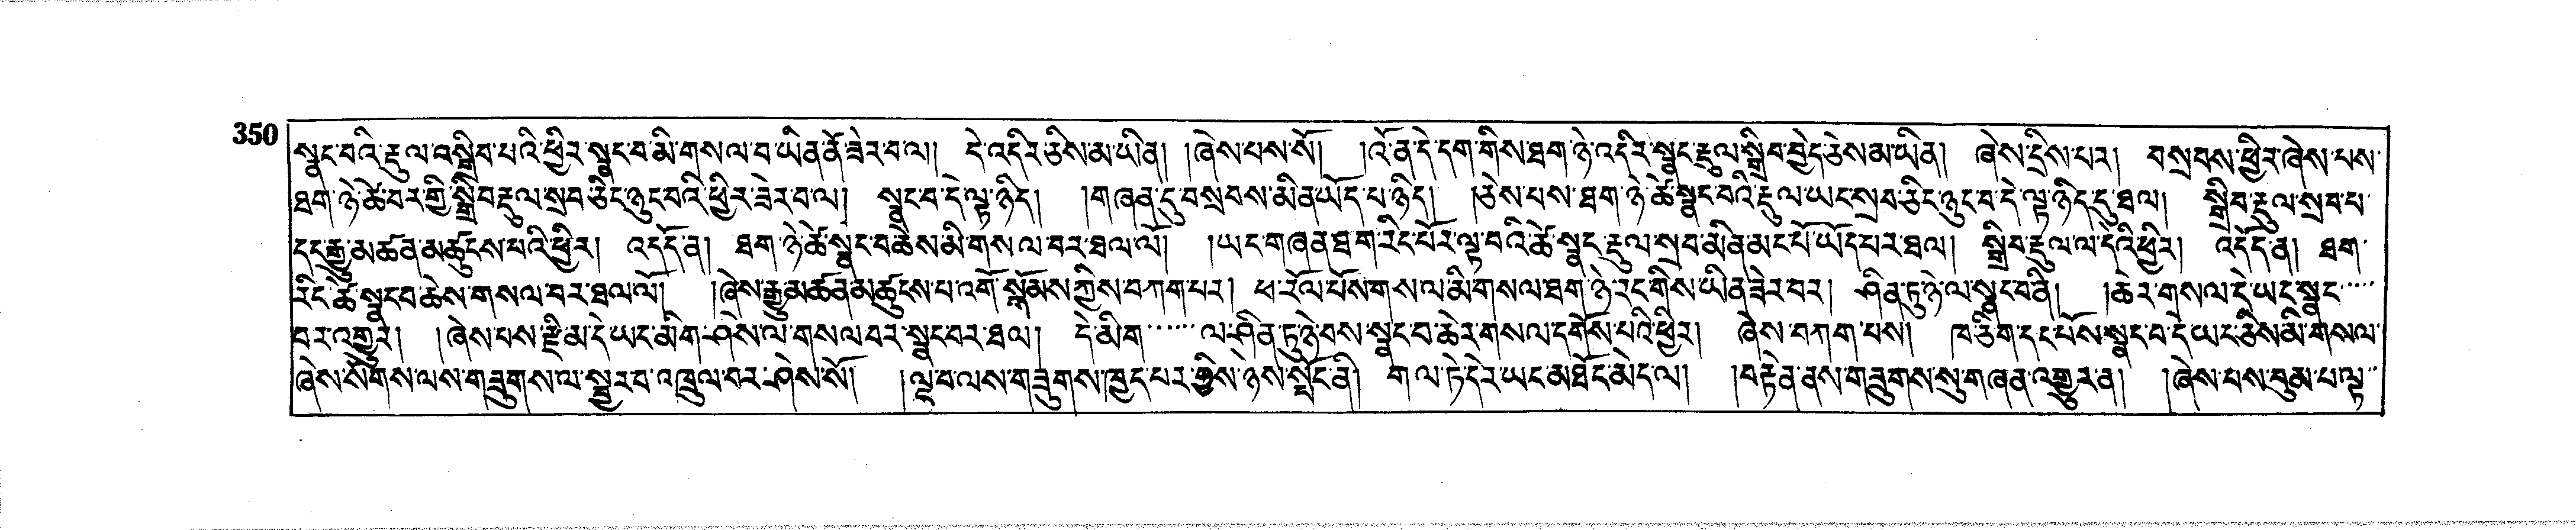སྣང་བའི་རྡུལ་བསྒྲིབ་པའི་ཕྱིར་སྣང་བ་མི་གསལ་བ་ཡིན་ནོ་ཟེར་བ་ལ། དེ་འདིར་ཅིས་མ་ཡིན། །ཞེས་པས་སོ། །འོ་ན་དེ་དག་གིས་ཐག་ཉེ་འདིར་སྣང་རྡུལ་སྒྲིབ་བྱེད་ཅེས་མ་ཡིན། ཞེས་དྲིས་པར། བསྲབས་ཕྱིར་ཞེས་པས་
ཐག་ཉེ་ཚེ་བར་གྱི་སྒྲིབ་བརྡུལ་སྲབ་ཅིང་ཉུང་བའི་ཕྱིར་ཟེར་བ་ལ། སྣང་བ་དེ་ལྟ་ཉིད། །གཞན་དུ་བསྲབས་མིན་ཡོད་པ་ཉིད། །ཅེས་པས་ཐག་ཉེ་ཚེ་སྣང་བའི་རྡུལ་ཡང་སྲབ་ཅིང་ཉུང་བ་དེ་ལྟ་ཉིད་དུ་ཐལ། སྒྲིབ་རྡུལ་སྲབ་པ་
དང་རྒྱུ་མཚན་མཚུངས་པའི་ཕྱིར། འདོད་ན། ཐག་ཉེ་ཚེ་སྣང་བ་ཆེས་མི་གསལ་བར་ཐལ་ལོ། །ཡང་གཞན་ཐག་རིང་པོར་ལྟ་བའི་ཚེ་སྣང་རྡུལ་སྲབ་མིན་མང་པོ་ཡོད་པར་ཐལ། སྒྲིབ་རྡུལ་ལ་དེའི་ཕྱིར། འདོད་ན། ཐག་
རིང་ཚེ་སྣང་བ་ཆེས་གསལ་བར་ཐལ་ལོ། །ཞེས་རྒྱུ་མཚན་མཚུངས་པ་འགོ་སྙོམས་ཀྱིས་བཀག་པར། ཕ་རོལ་པོས་གསལ་མི་གསལ་ཐག་ཉེ་རང་གིས་ཡིན་ཟེར་བར། ཤིན་ཏུ་ཉེ་ལ་སྣང་བ་ནི། །ཆེར་གསལ་དེ་ཡང་སྣང་
བར་འགྱུར། །ཞེས་པས་རྫི་མ་དེ་ཡང་མིག་ཤེས་ལ་གསལ་བར་སྣང་བར་ཐལ། དེ་མིག་ལ་ཤིན་ཏུ་ཉེ་བས་སྣང་བ་ཆེར་གསལ་དགོས་པའི་ཕྱིར། ཞེས་བཀག་པས། ཁ་ཅིག་དང་པོས་སྣང་བ་དེ་ཡང་ཅིས་མི་གསལ་
ཞེས་སོགས་ལས་གཟུགས་ལ་སྦྱར་བ་འཁྲུལ་བར་ཤེས་སོ། །ལྔ་པ་ལས་གཟུགས་ཁྱད་པར་གྱིས་ཉེས་སྤོང་ནི། གལ་ཏེ་དེར་ཡང་མཐོང་མེད་ལ། །བརྟེན་ནས་གཟུགས་སུ་གཞན་འགྱུར་ན། །ཞེས་པས་བུམ་པ་ལྟ་